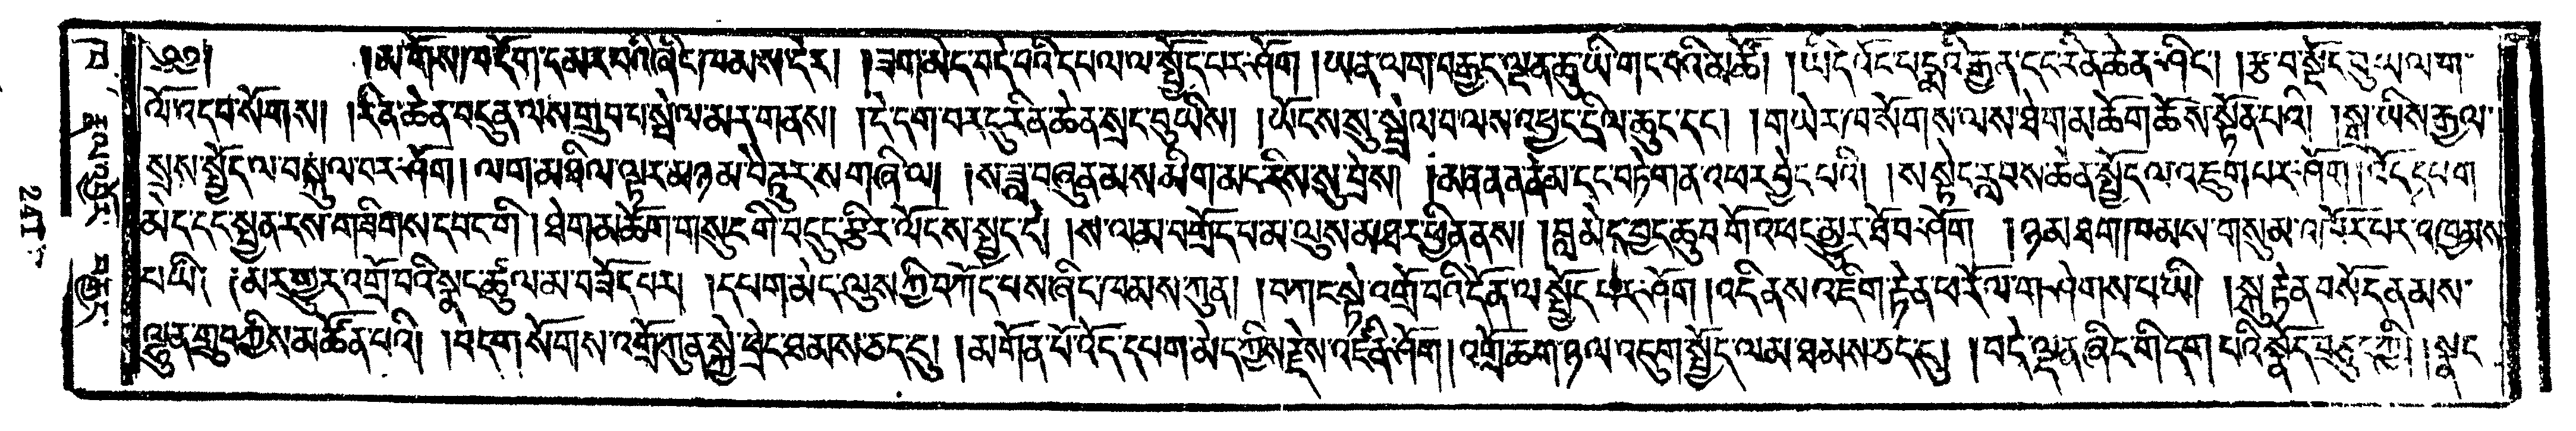༄༅། །མ་གོས་ཁ་དོག་དམར་བའི་ཞིང་ཁམས་དེར། །ཟག་མེད་བདེ་བའི་དཔལ་ལ་སྤྱོད་པར་ཤོག །ཡན་ལག་བརྒྱད་ལྡན་ཆུ་ཡི་གང་བའི་མཚོ། །ཡིད་འོང་པདམའི་རྒྱན་དང་རིན་ཆེན་ཤིང་། །རྩ་བ་སྡོང་བུ་ཡལ་ག་
ལོ་འདབ་སོགས། །རིན་ཆེན་བདུན་ལས་གྲུབ་པ་སྤེལ་མར་གནས། །དེ་དག་བར་དུ་རིན་ཆེན་སྲང་བུ་ཡིས། །ཡོངས་སུ་སྦྲེལ་བ་ལས་འཕྱང་དྲིལ་ཆུང་དང་། །གཡེར་ཁ་སོགས་ལས་ཐེག་མཆོག་ཆོས་སྟོན་པའི། །སྒྲ་ཡིས་རྒྱལ་
སྲས་སྤྱོད་ལ་བསྐུལ་བར་ཤོག །ལག་མཐིལ་ལྟར་མཉམ་བཻཌཱུར་ས་གཞི་ལ། །ས་ཟླ་བཞུན་མས་མིག་མང་རིས་སུ་བྲེས། །མནན་ན་ནེམ་དང་བཏེག་ན་འཕར་བྱེད་པའི། །ས་སྟེང་རླབས་ཆེན་སྤྱོད་ལ་འཇུག་པར་ཤོག །འོད་དཔག་
མེད་དང་སྤྱན་རས་གཟིགས་དབང་གི །ཐེག་མཆོག་གསུང་གི་བདུད་རྩིར་ལོངས་སྤྱད་དེ། །ས་ལམ་བགྲོད་པ་མ་ལུས་མཐར་ཕྱིན་ནས། །བླ་མེད་བྱང་ཆུབ་གོ་འཕང་མྱུར་ཐོབ་ཤོག །ཉམ་ཐག་ཁམས་གསུམ་འཁོར་པར་འཁྱམས་
པ་ཡི༑ ༑མར་གྱུར་འགྲོ་བའི་སྣང་ཚུལ་མ་བཟོད་པར། །དཔག་མེད་ལུས་ཀྱི་བཀོད་པས་ཞིང་ཁམས་ཀུན། །བཀང་སྟེ་འགྲོ་བའི་དོན་ལ་སྤྱོད་པར་ཤོག །འདི་ནས་འཇིག་རྟེན་ཕ་རོལ་གཤེགས་པ་ཡི། །སྐུ་རྟེན་བསོད་ནམས་
ལྷུན་གྲུབ་ཀྱིས་མཚོན་པའི། །བདག་སོགས་འགྲོ་ཀུན་སྐྱེ་ཕྲེང་ཐམས་ཅད་དུ། །མགོན་པོ་འོད་དཔག་མེད་ཀྱིས་རྗེས་འཛིན་ཤོག །འགྲོ་ཆག་ཉལ་འདུག་སྤྱོད་ལམ་ཐམས་ཅད་དུ། །བདེ་ལྡན་ཞིང་གི་དག་པའི་སྣོད་བཅུད་ཀྱི། །སྣང་